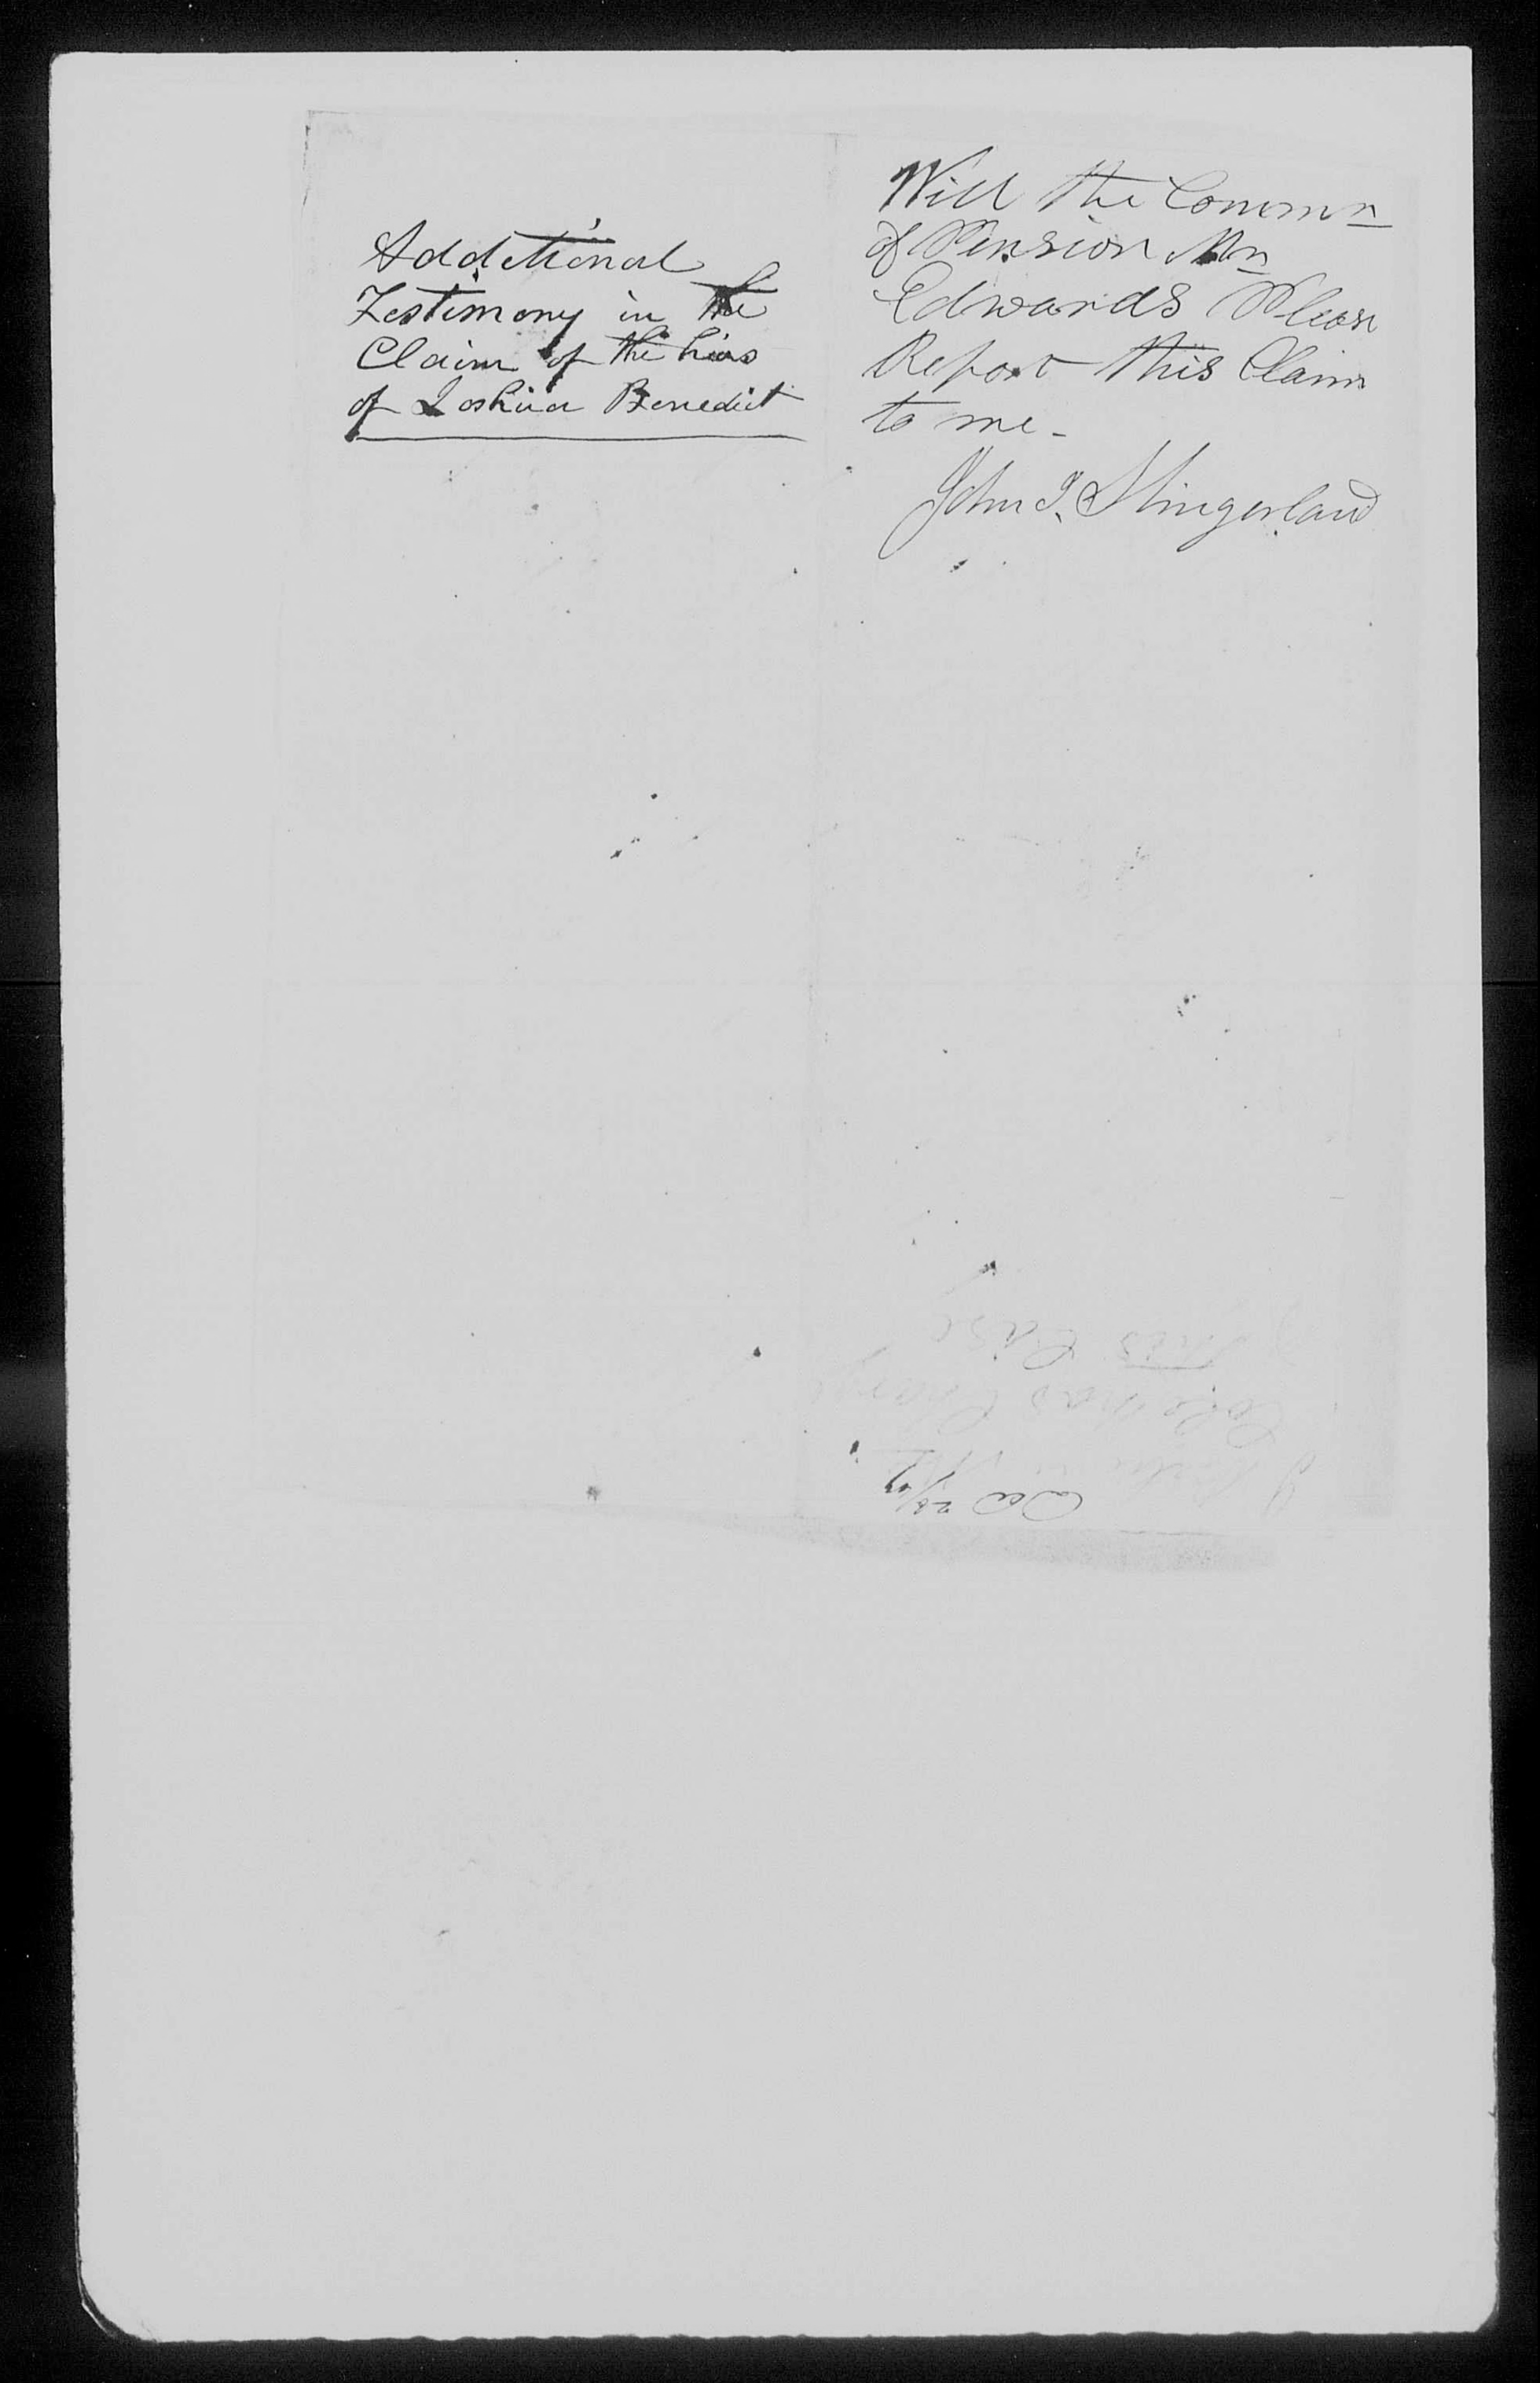Additional Testimony in the Claim of the heirs of Joshua Benedict

Will the Commr of Pension Mr Edwards Please Repost this Claim to me-
John. J. Slingerland

[upside down]  00 23/2
J [illegible]
Col has Charge
this Case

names: Joshua Benedict, Edwards, John J Slingerland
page: 33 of 106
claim: survivor's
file: S 23,116., Joshua Benedict, Conn.